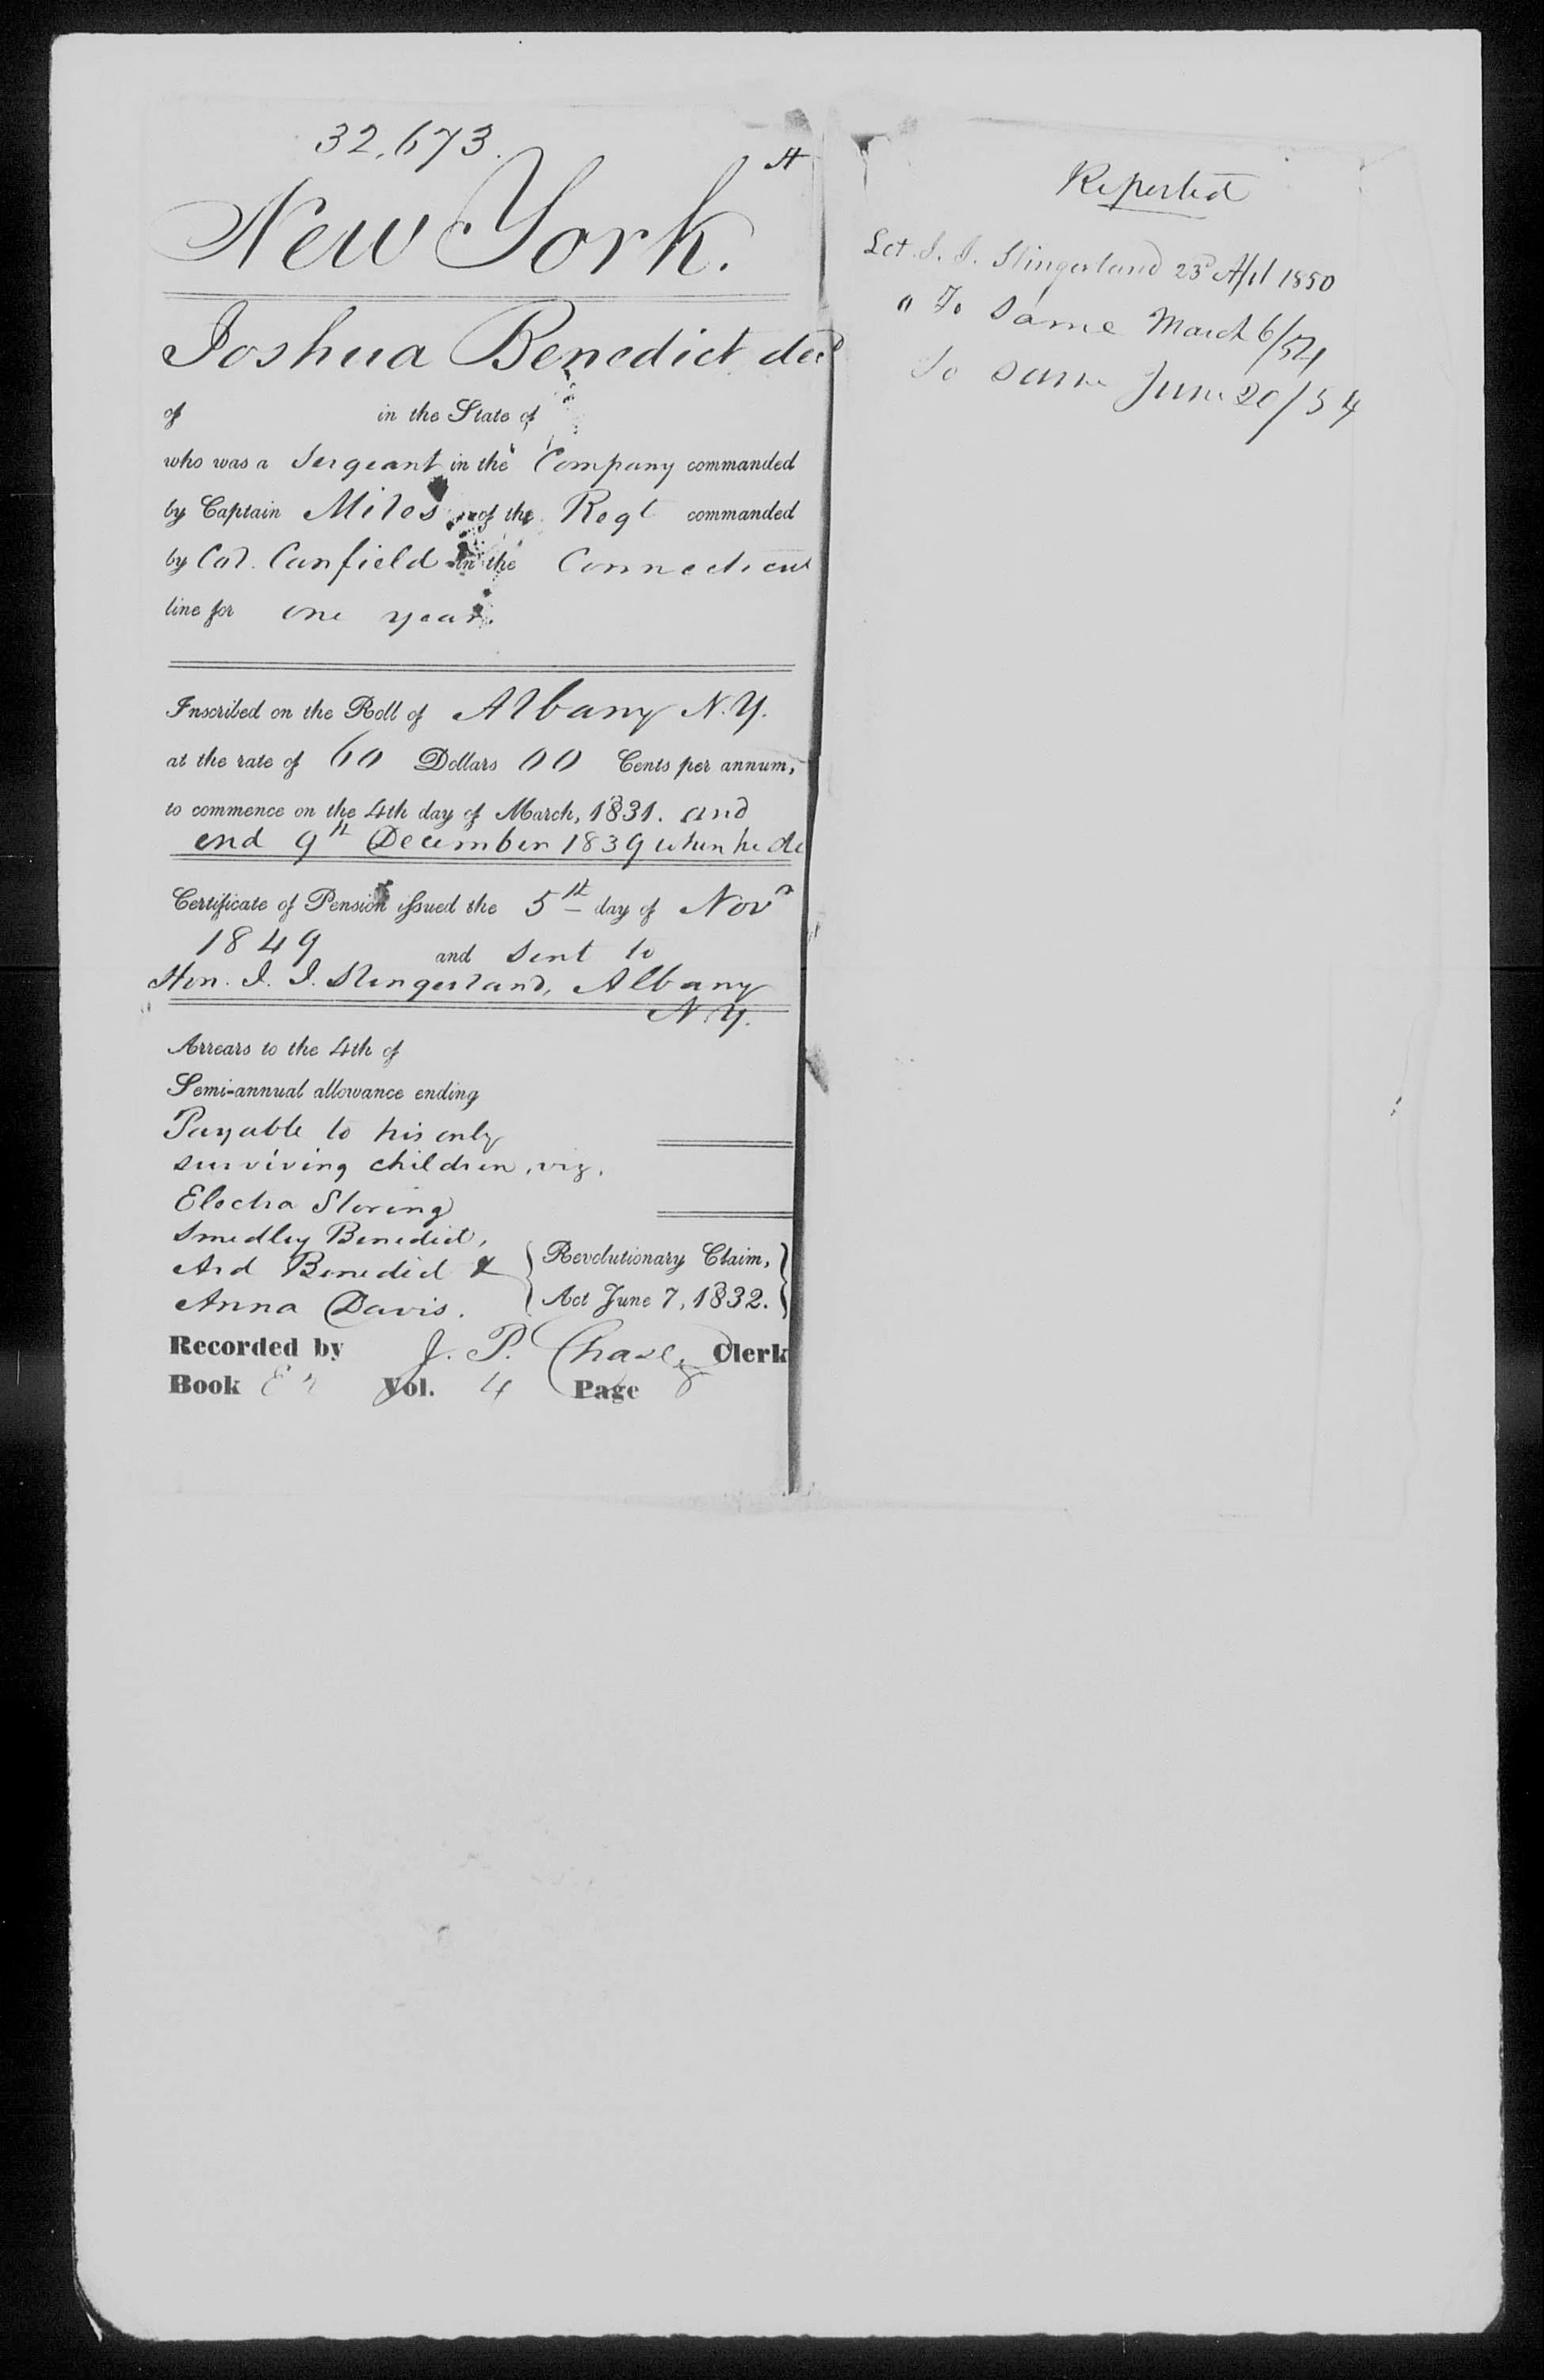32,673       H
New York.

Joshua Benedict decd
of in the State of
who was a Sergeant in the Company commanded by Captain Miles of the Regt. commanded by Col. Canfield in the Connecticut  line for one year.

Inscribed on the Roll of Albany, N.Y. at the rate of 60 dollars 00 Cents per annum, to commence on the 4th day of March, 1831. and end 9th December 1839 when he de[cut off]

Certificate of Pension issued the 5th day of Novr 1849 and sent to  Hon J. J. Slingerland, Albany
N.Y.

Arrears to the 4th of
Semi-annual allowance ending
Payable to his only surviving children, viz.
Electra Storing
Smedley Benedict
Ard Benedict &
Anna Davis.

{Revolutionary Claim,
Act June 7, 1832.}

Recorded by J. P. Chase Clerk
Book E2 Vol. 4 Page 8

[right side] Reported
Let J. J. Slingerland 23 April 1850
To Same March 6/54
To same June 20/54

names: J J Singerland, Electra Storing, J P Chase, Miles, Ard Benedict, Canfield, Joshua Benedict, J J Slingerland, Anna Davis, Smedley Benedict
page: 2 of 106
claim: survivor's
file: S 23,116., Joshua Benedict, Conn.